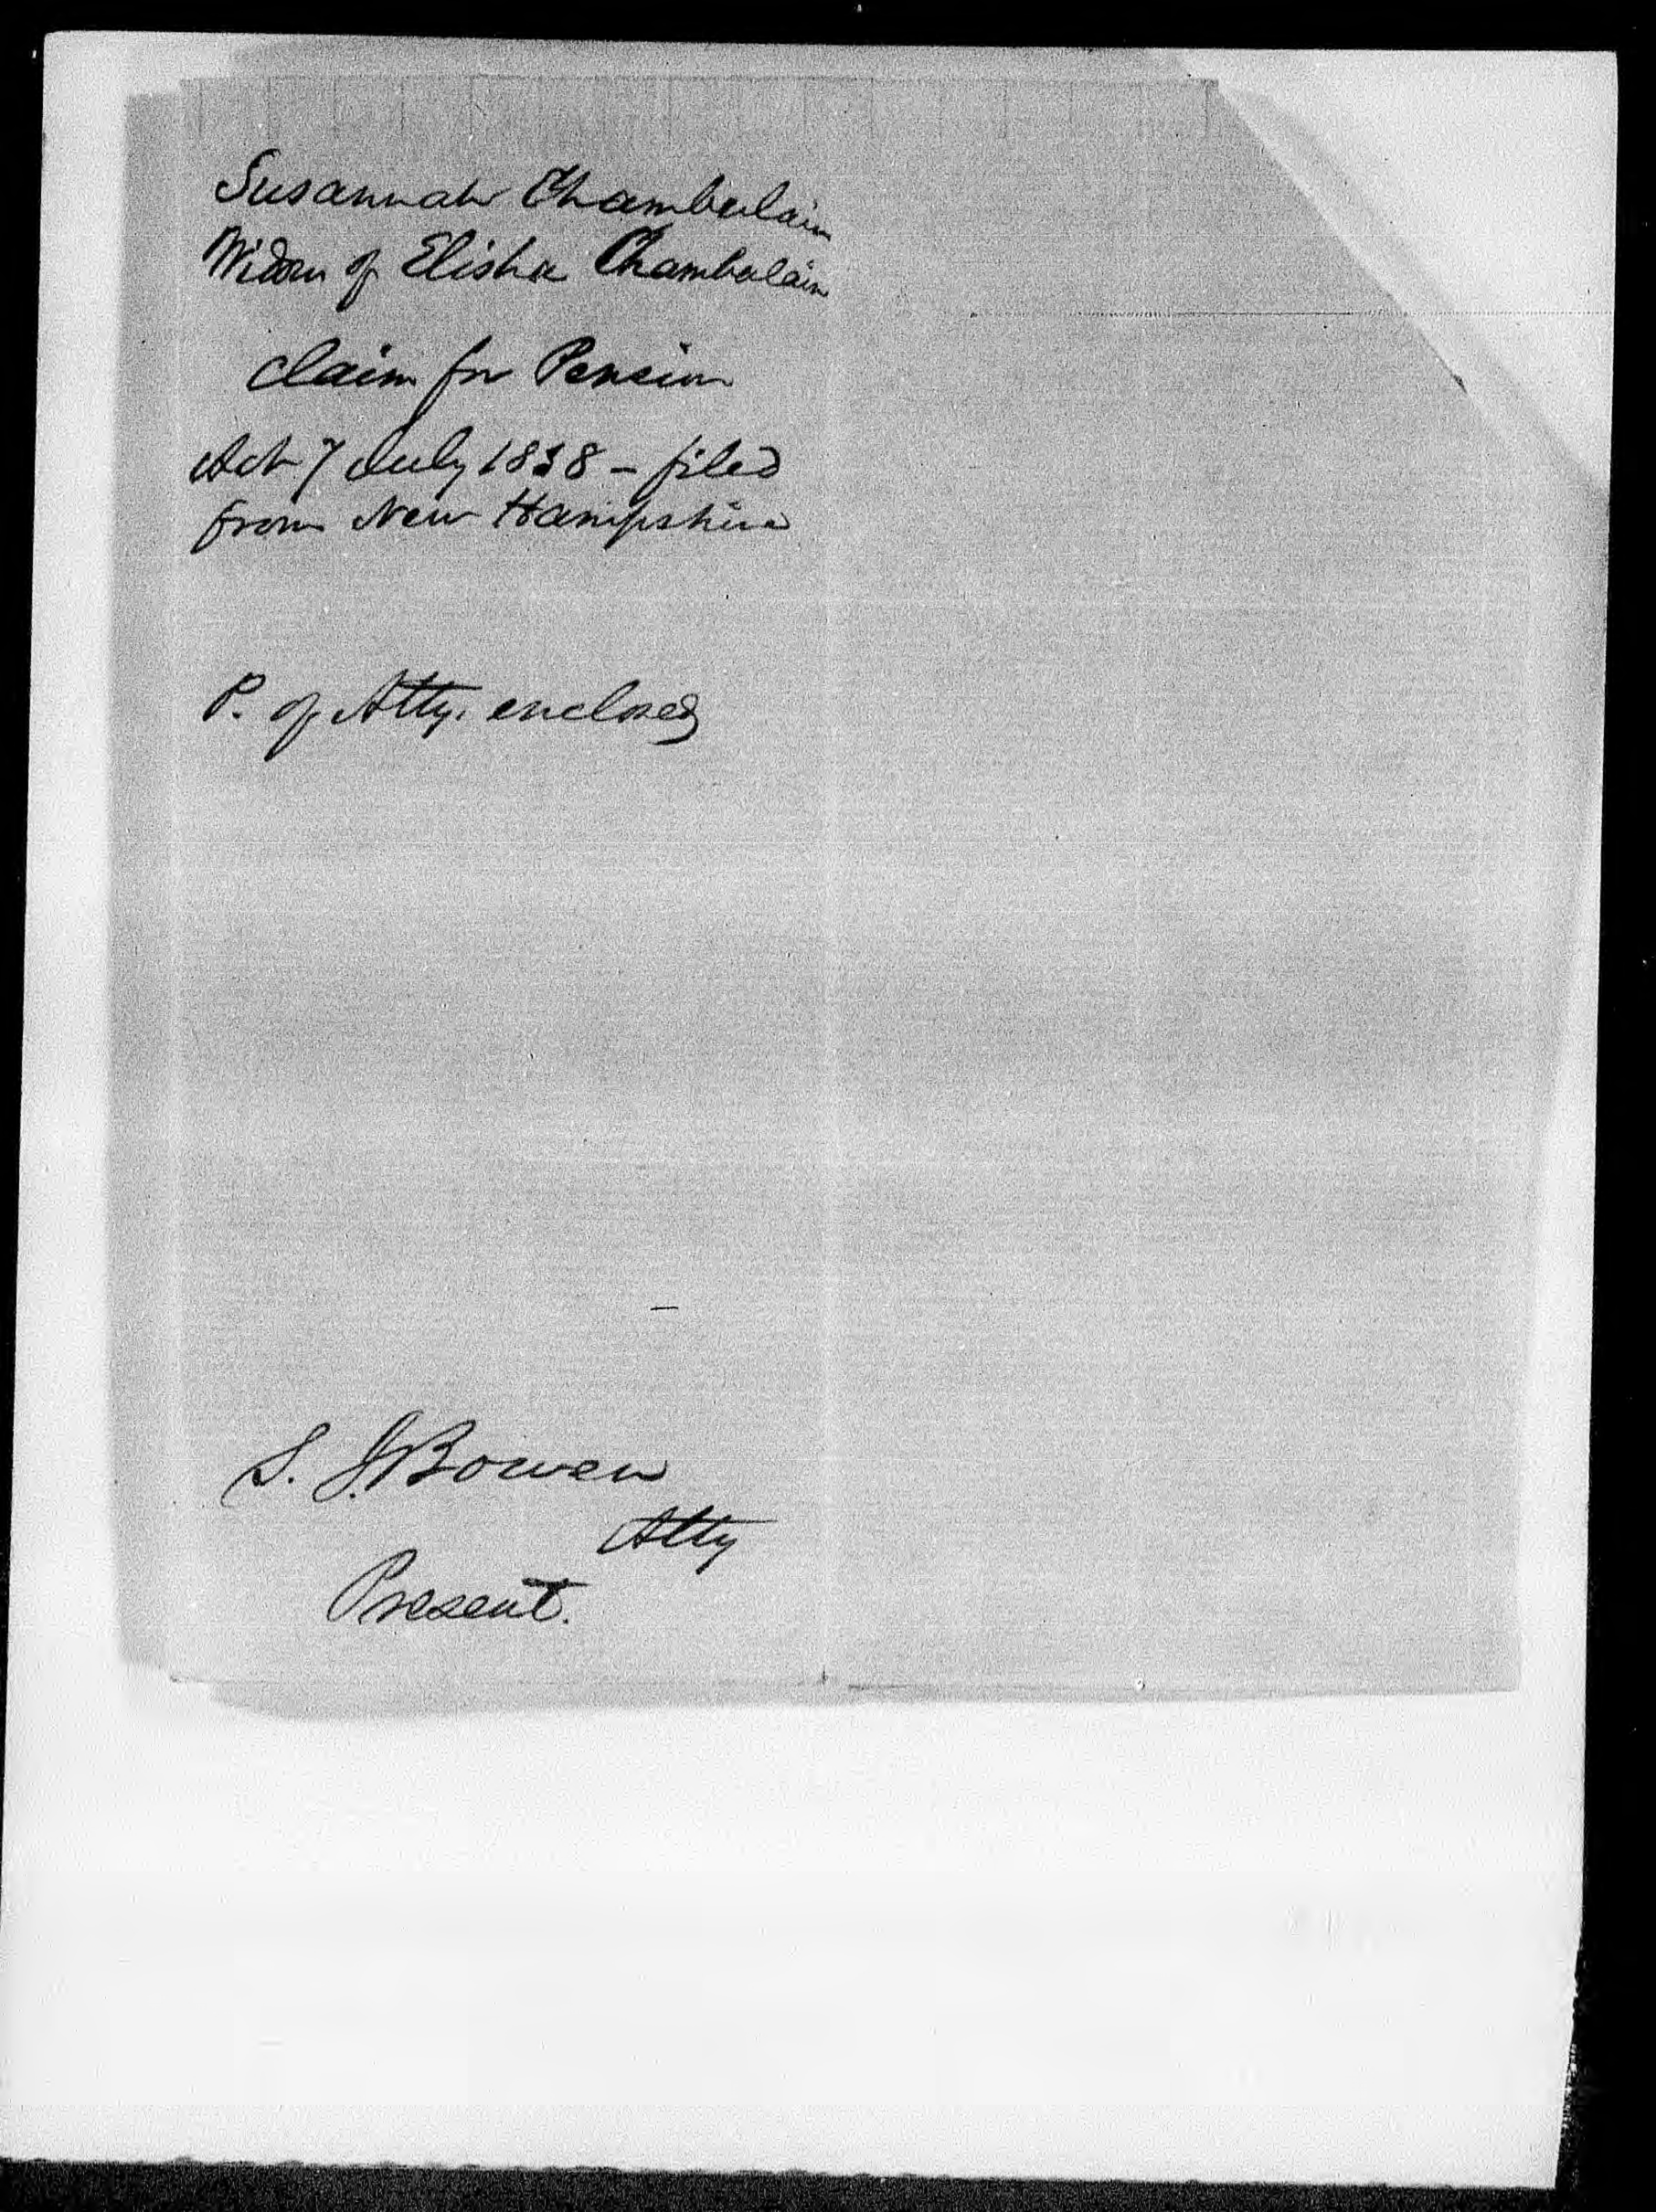Susannah Chamberlain
Widow of Elisha Chamberlain
Claim for Pension
Act 7 July 1838 - filed
from New Hampshire

P. of Atty enclosed

S. J. Bowen
Atty
Present.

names: S J Bowen, Elisha Chamberlain, Susannah Chamberlain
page: 10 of 24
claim: rejected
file: R. 1835, Elisha Chamberlain, Mass.